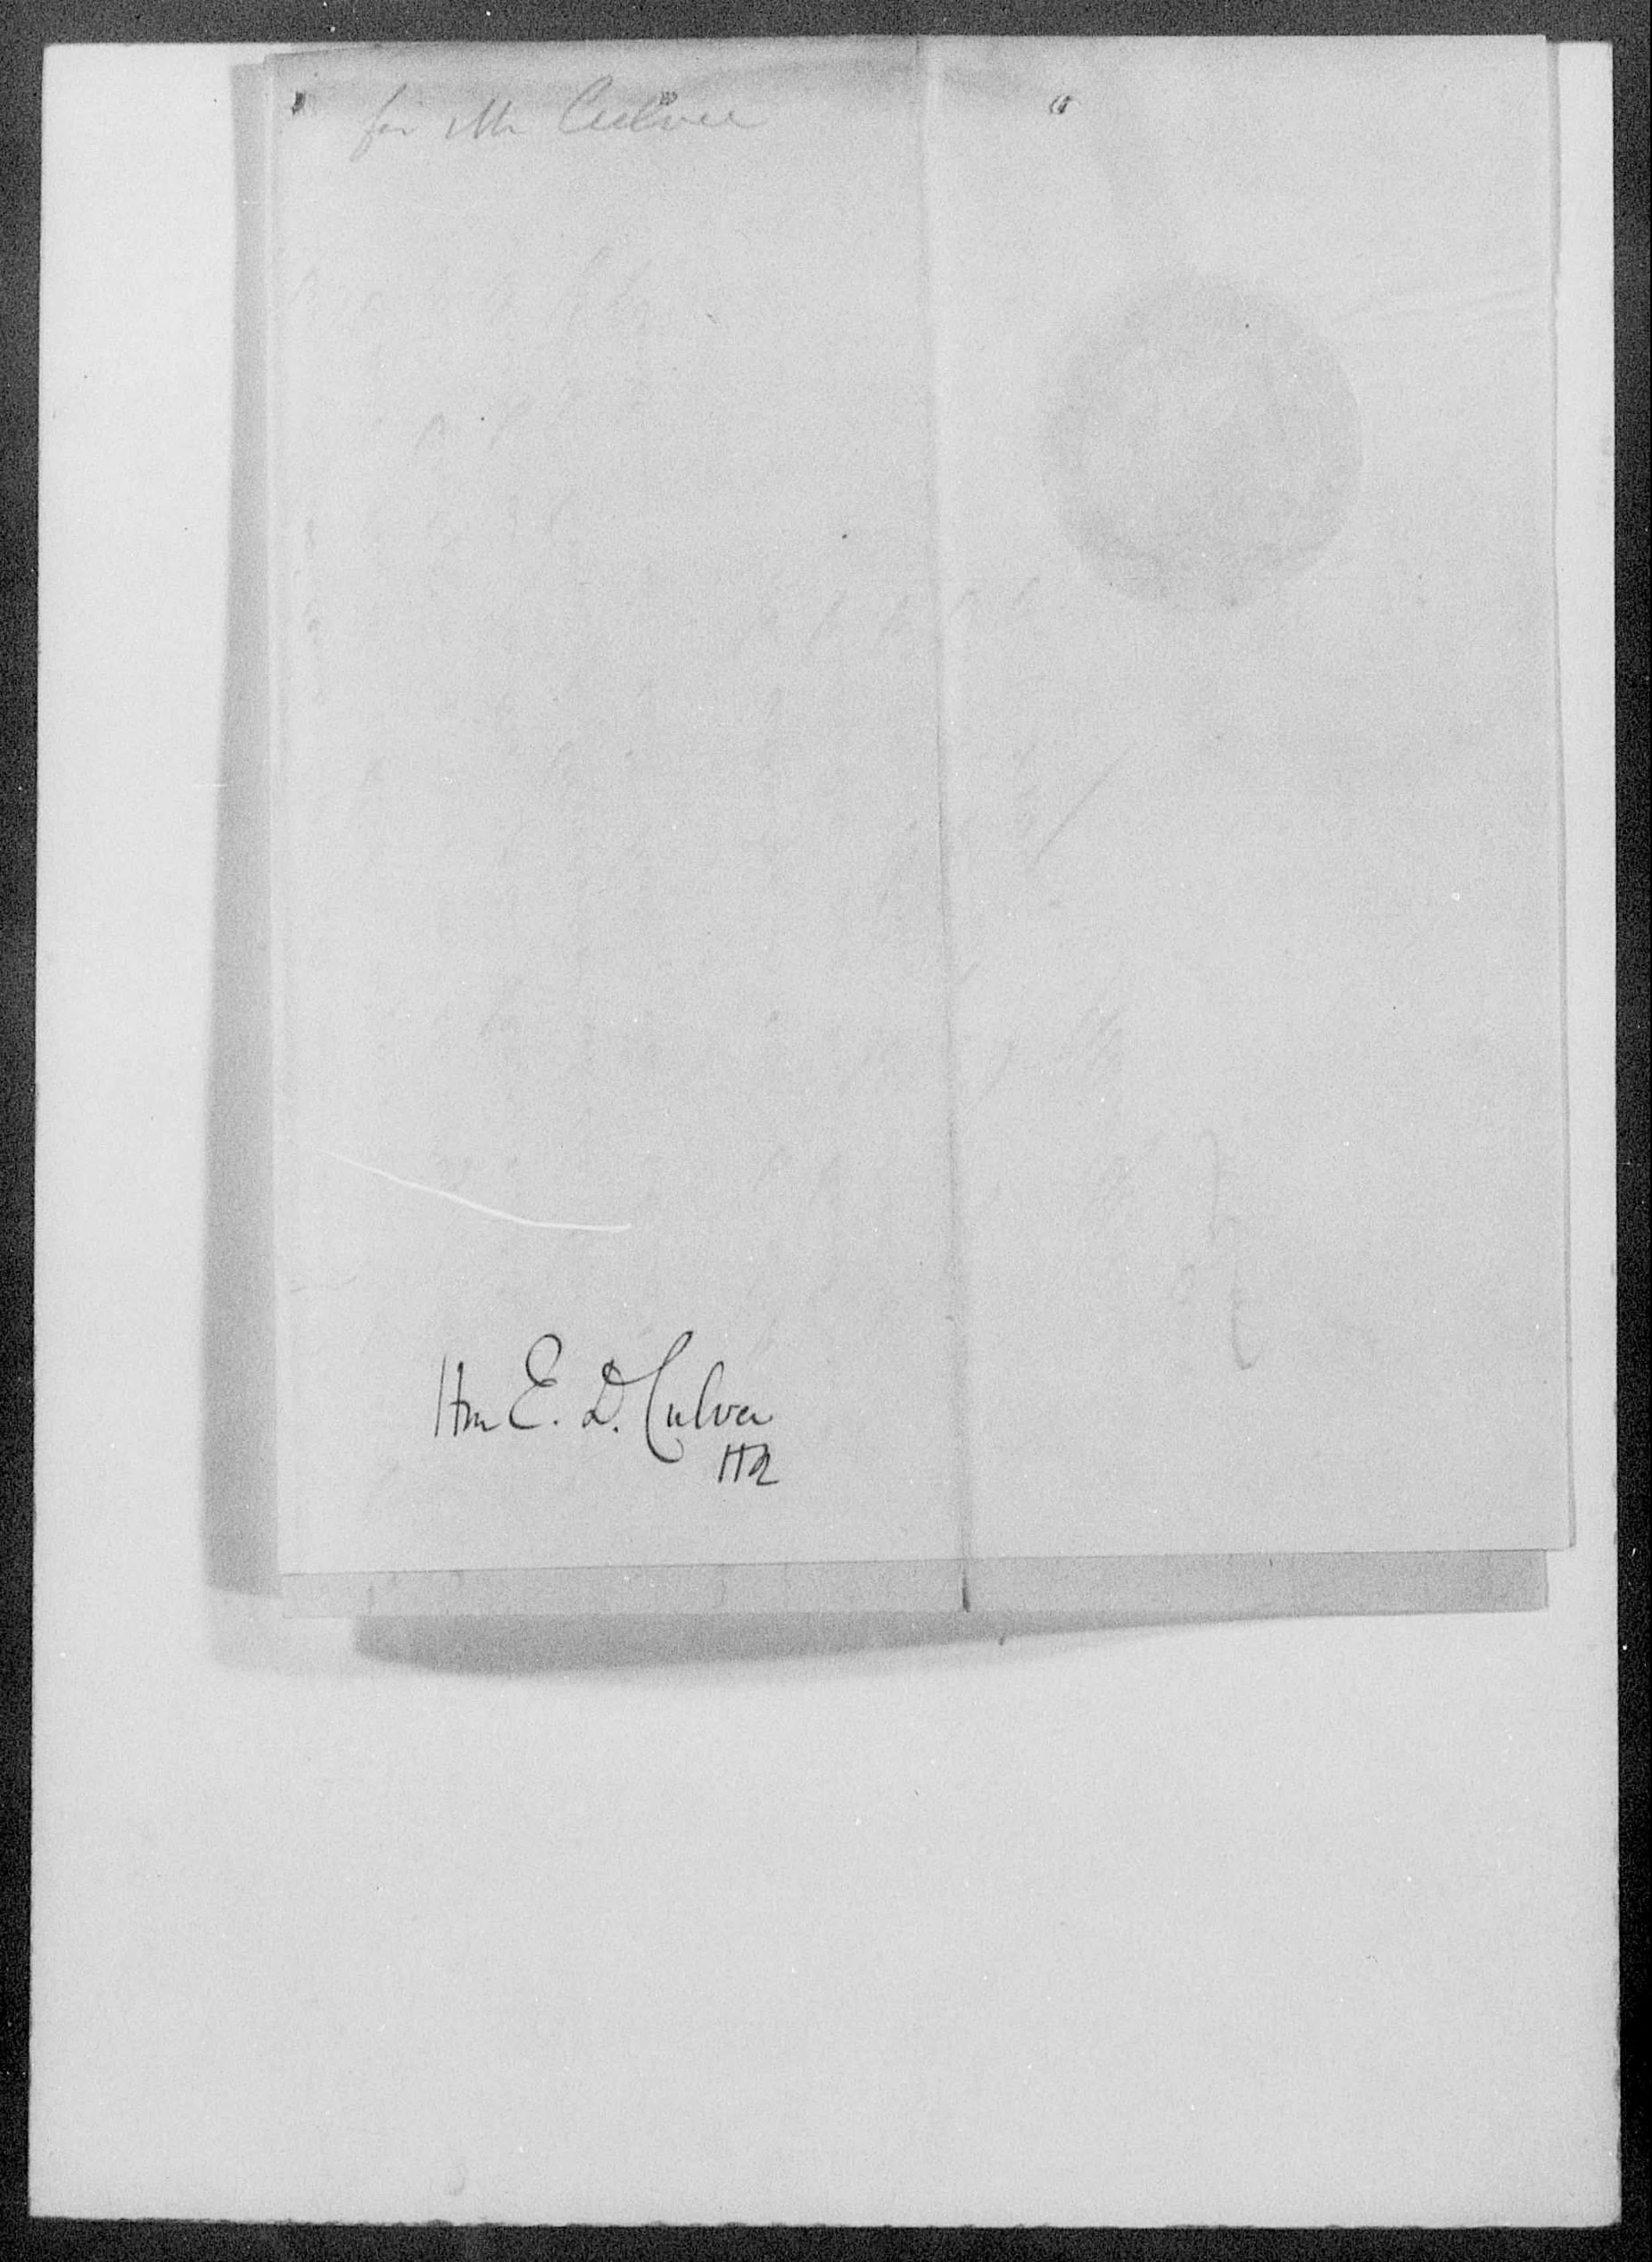for Mr Culver

Hon. E. D. Culver
HR [House of Representatives]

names: E D Culver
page: 33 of 51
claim: widow's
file: W. 19,026, Israel Harrington, R.I.